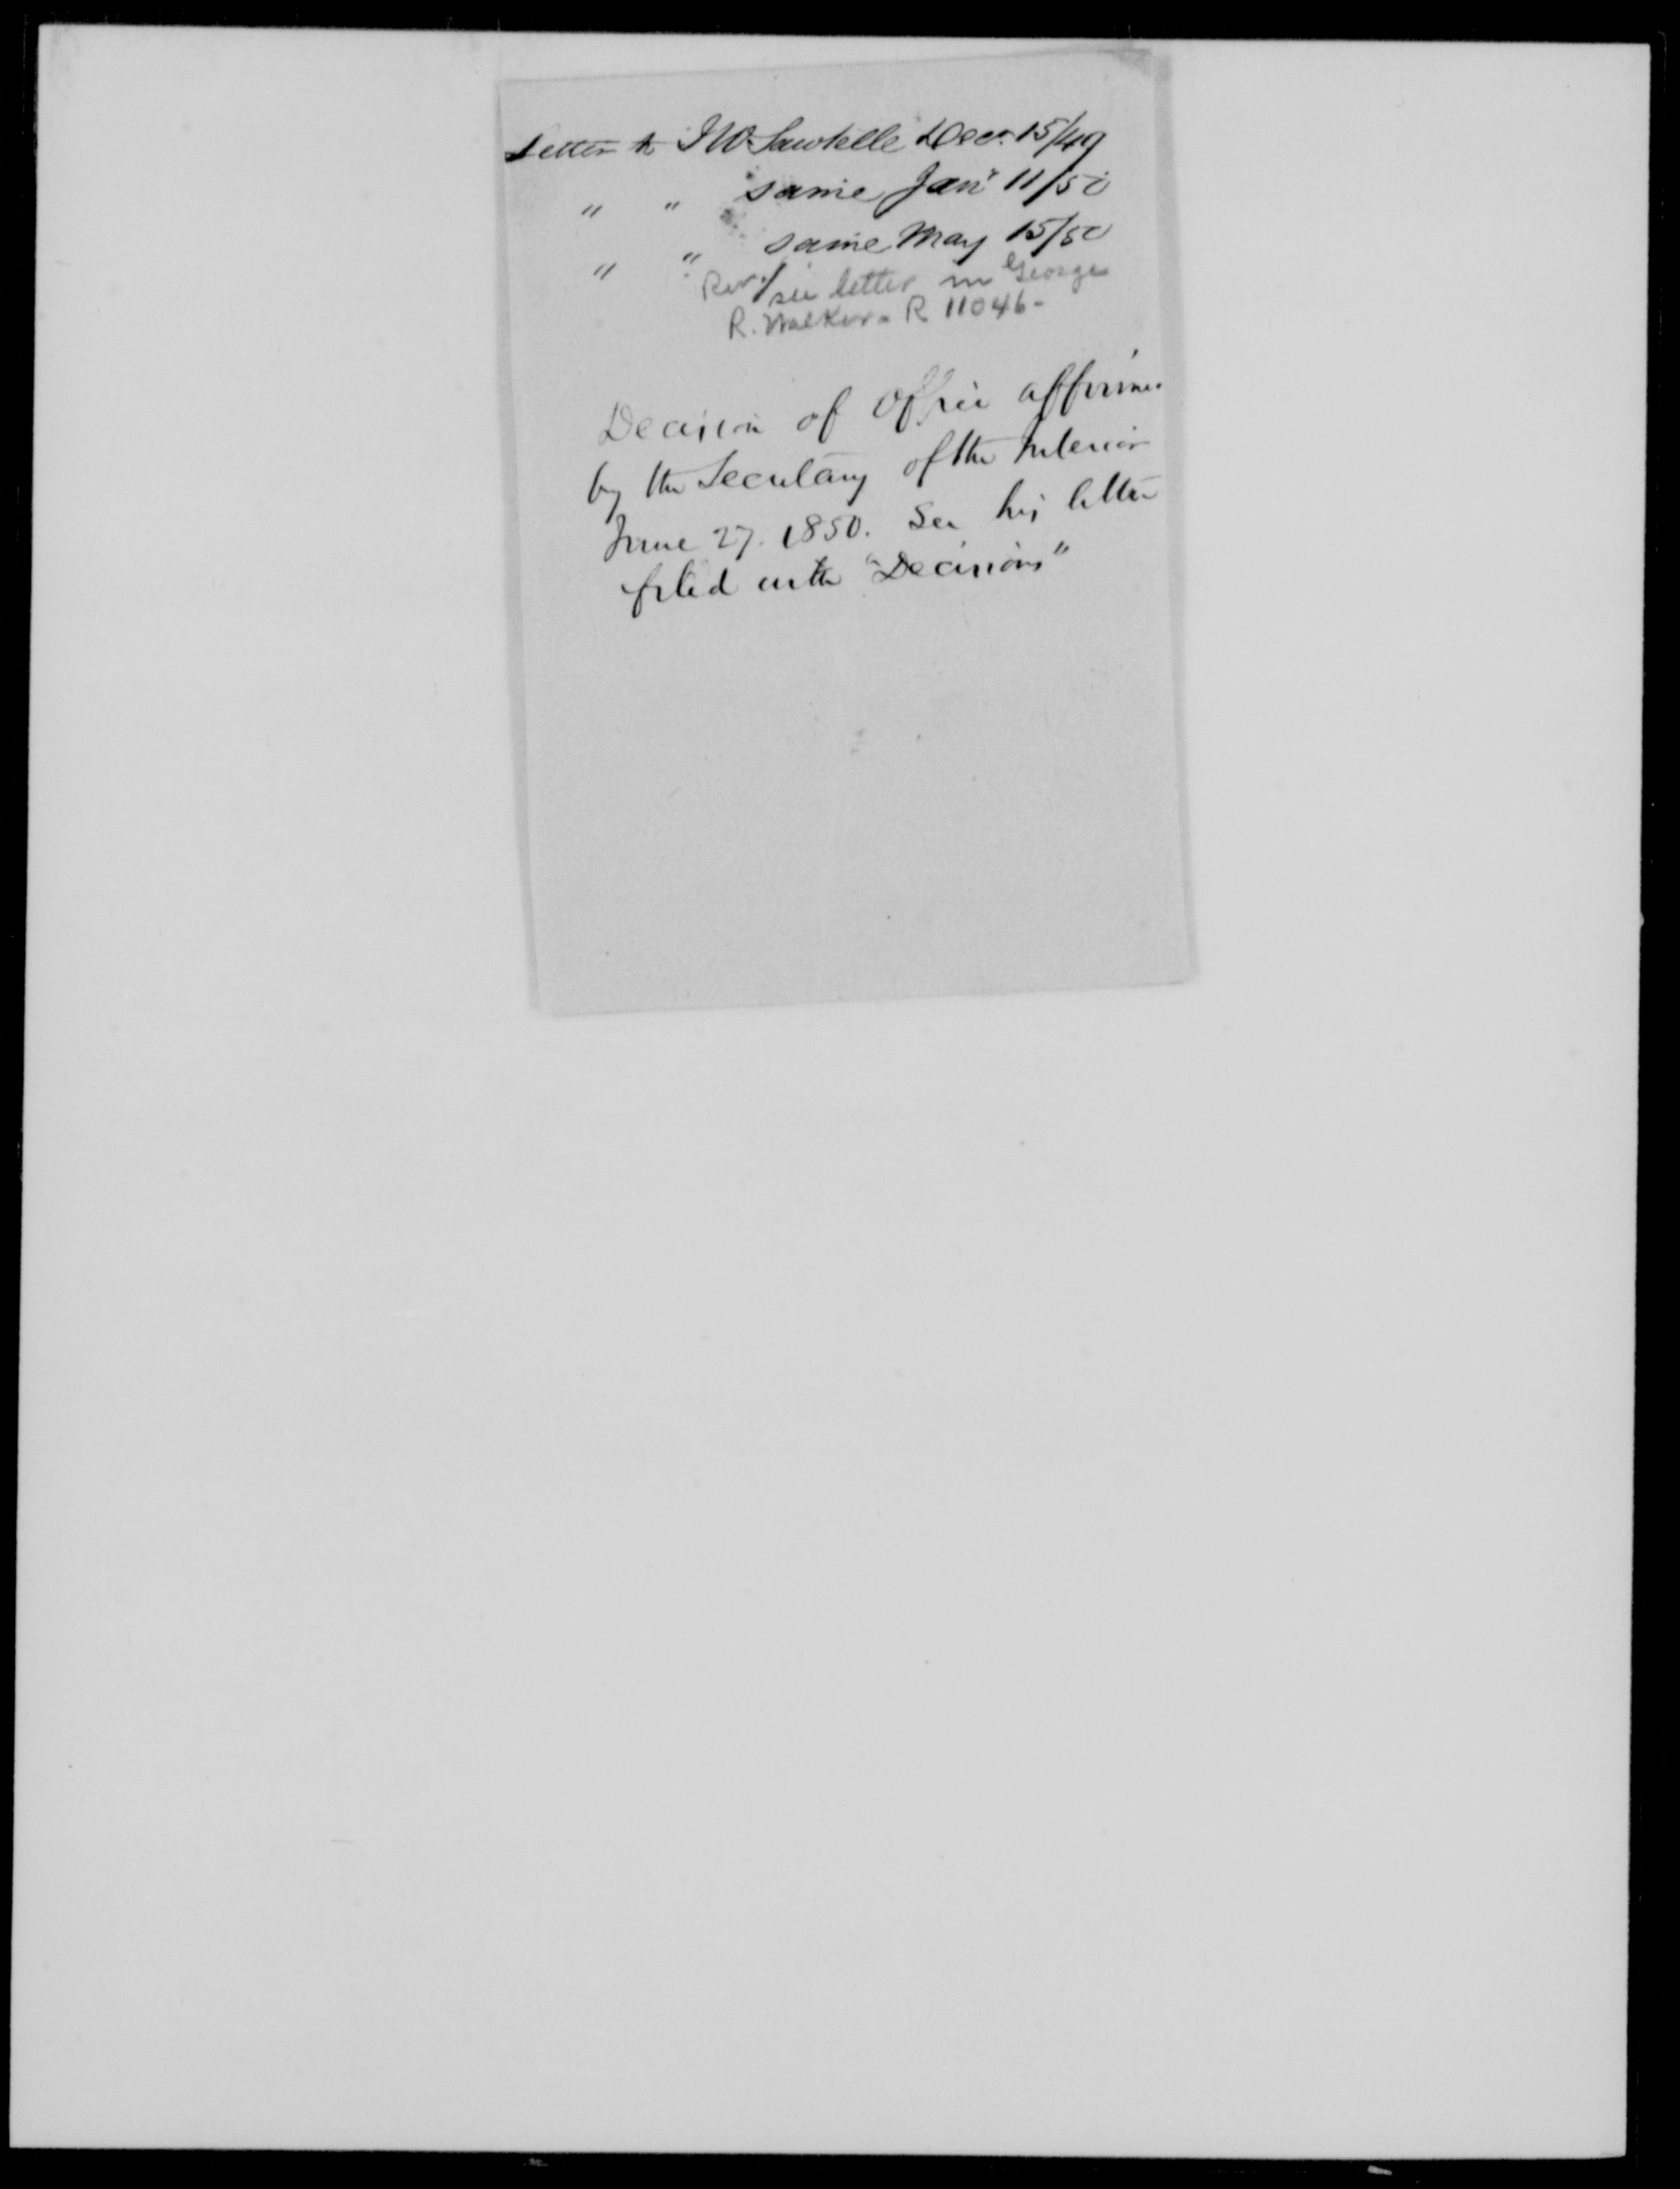Letter to J W Sawtelle Dec 15/49
" same Jan 11/50
" same May 15/50

Rev.
see letter in George
R. Walker R11046

Decision of Office affirm'd
by the Secretary of the Interior
June 27, 1850. see his letter
filed with "Decisions"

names: George R Walker, J W Sawtelle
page: 53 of 100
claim: widow's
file: W. 6437, Richard Wells, Ga Va.